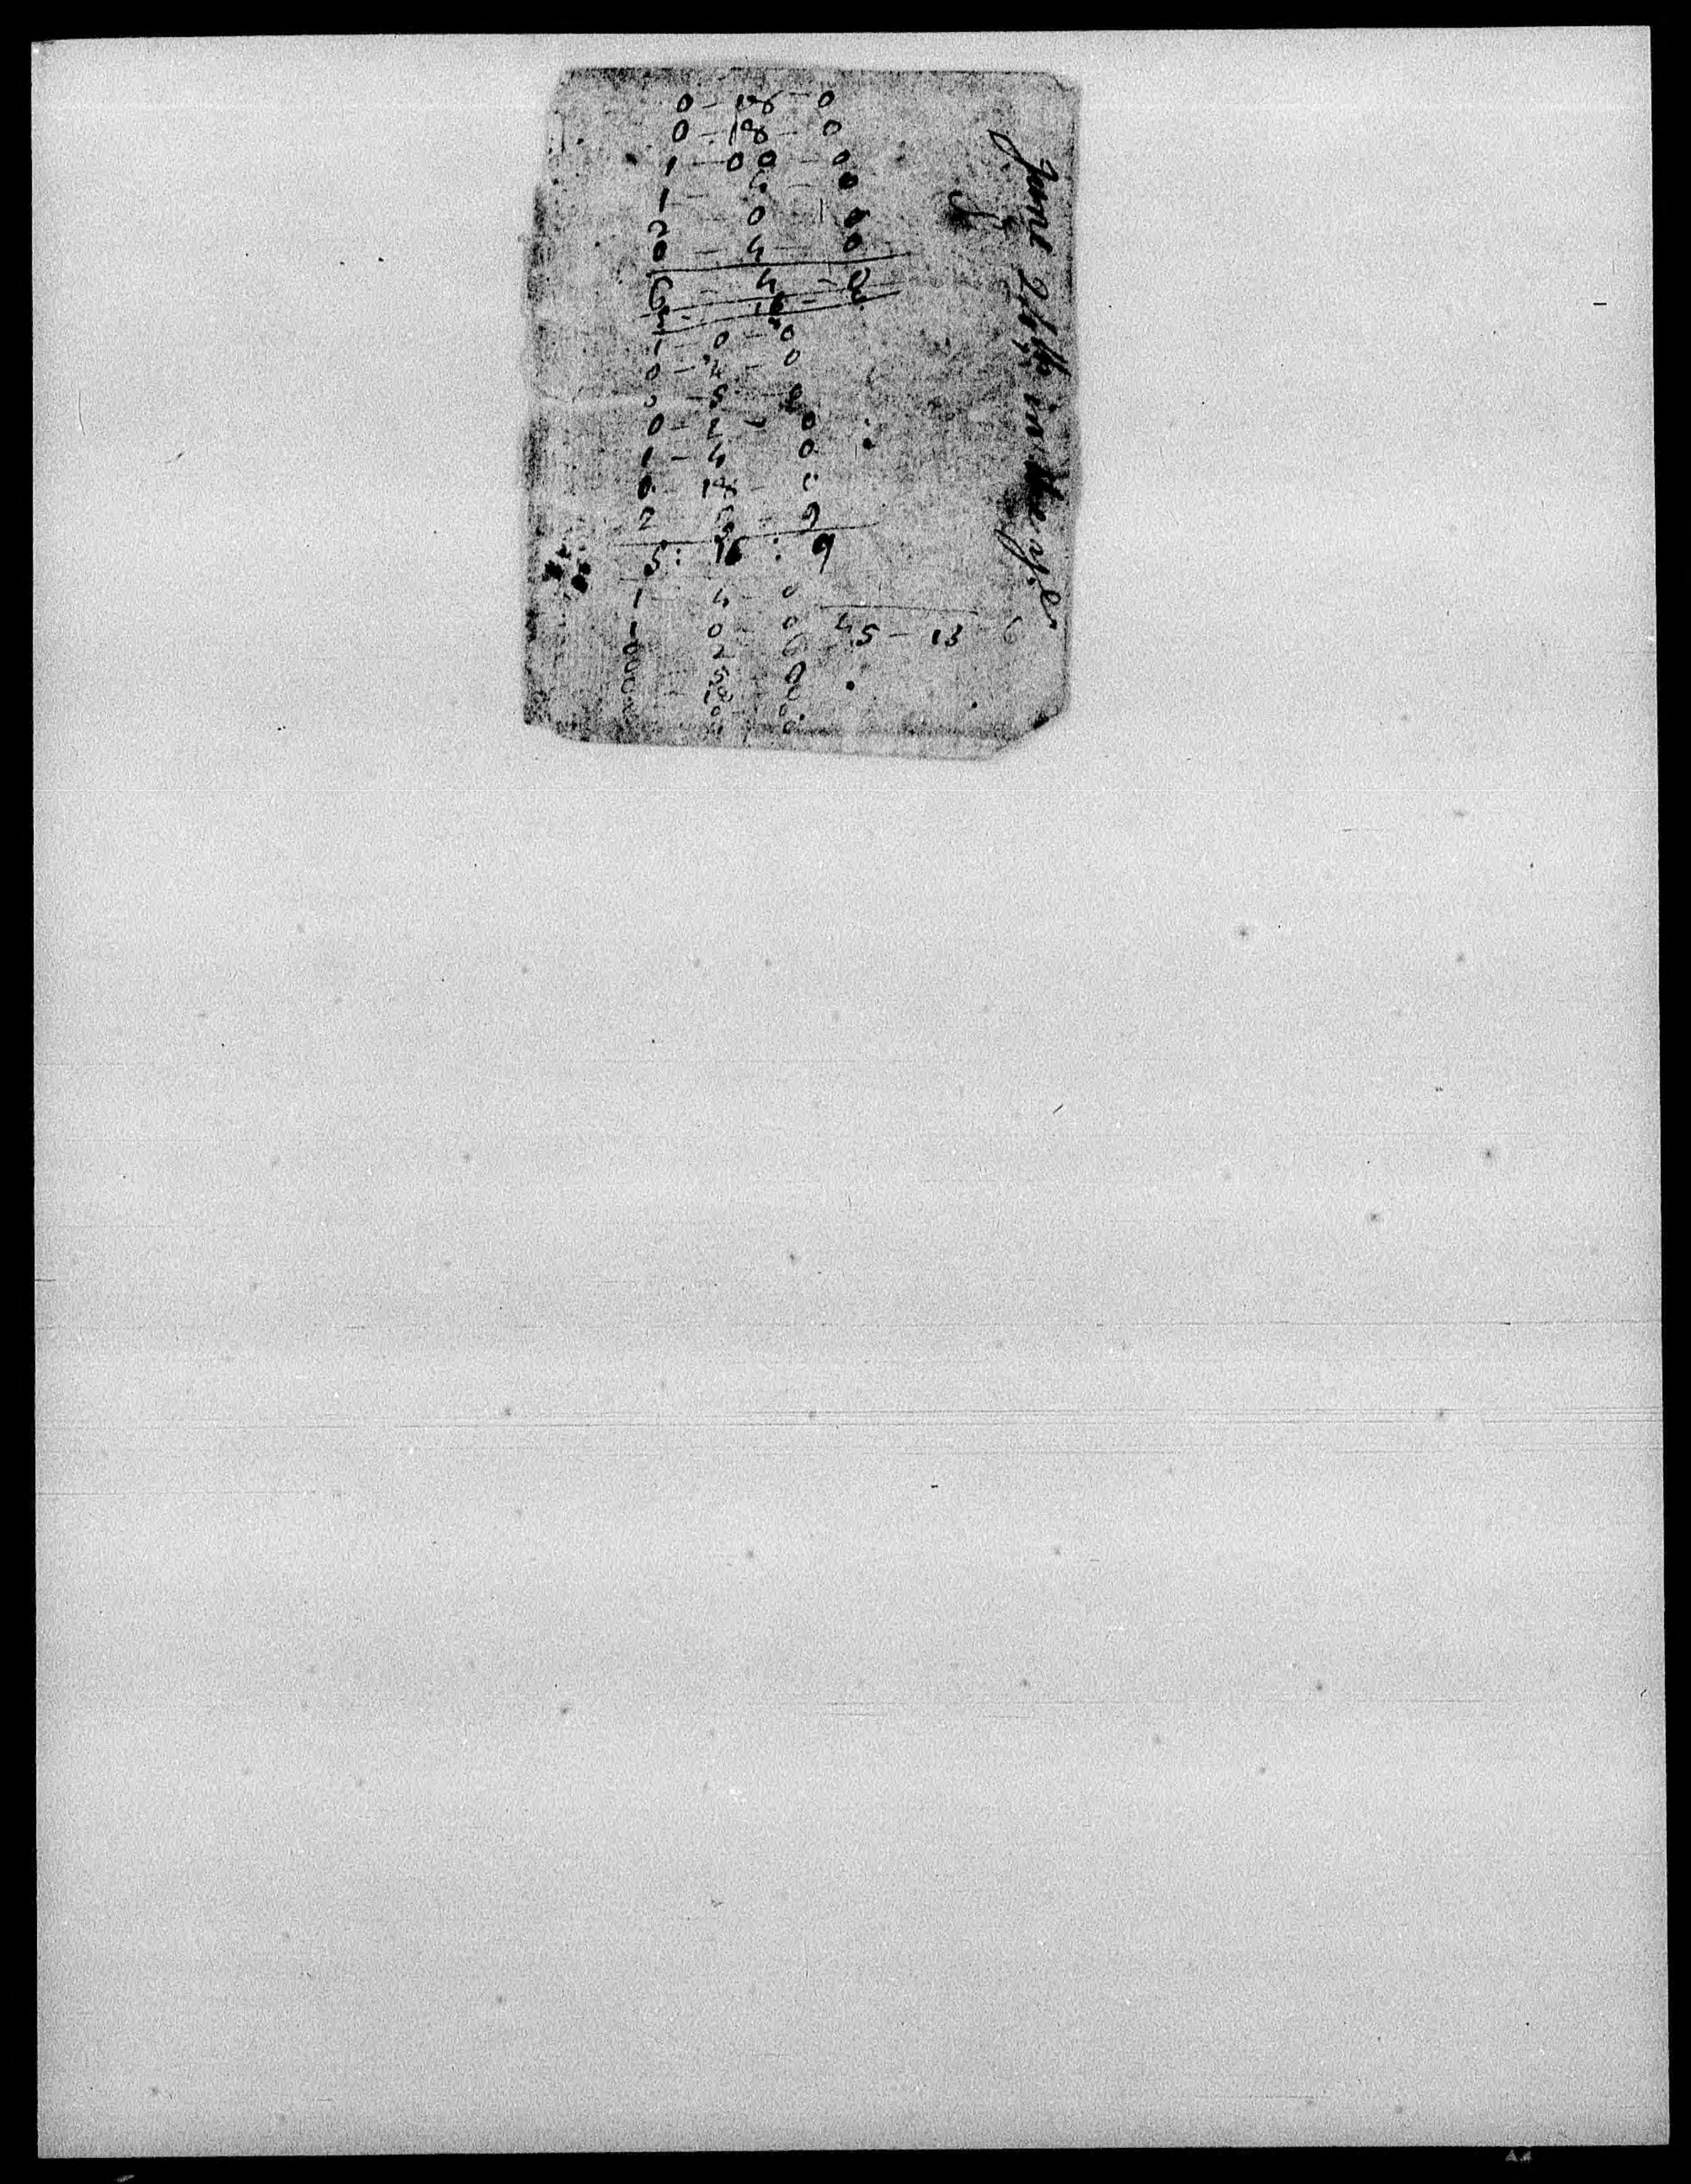June 24th in the ye’
0-18-0
0-18-0
1-00-0
1-6-0
2-0-0
0-9-0
6-4-0
3-6-6
1-0-0
0-4-0
0-5-0
0-2-0
1-4-0
0-18-0
2-3-9
5-16-9
1-4-0
1-0-0
0-2-6-45-13-6
0-2-6
0-5-0
8-18-0
0-0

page: 8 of 29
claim: survivor's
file: S. 23,312, for Samuel Mallery, Connecticut